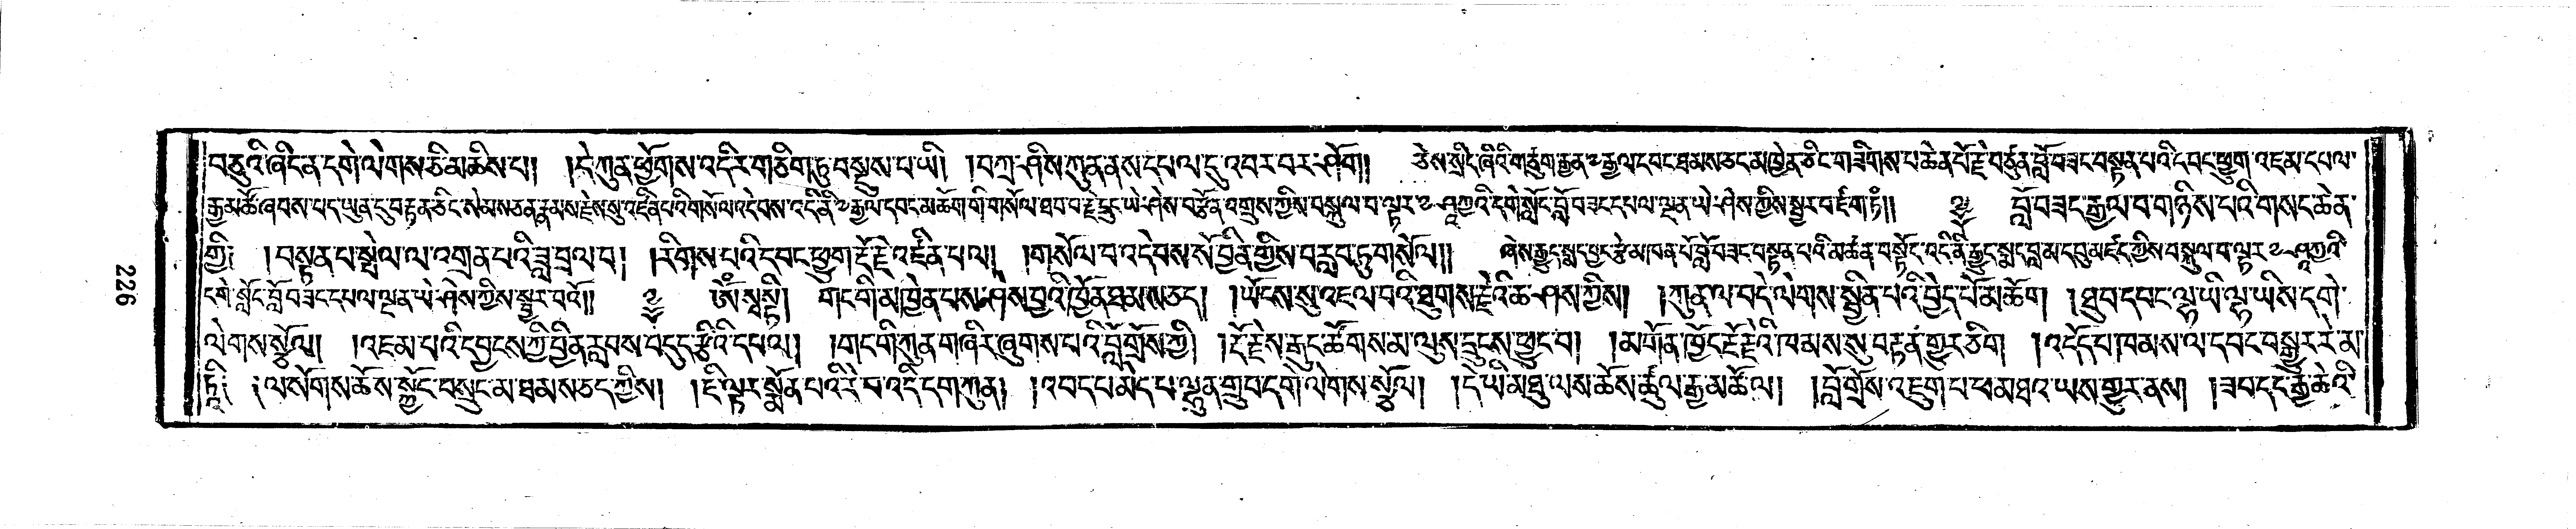བཅུའི་ཞིང་ན་དགེ་ལེགས་ཅི་མཆིས་པ། །དེ་ཀུན་ཕྱོགས་འདིར་གཅིག་ཏུ་བསྡུས་པ་ཡི། །བཀྲ་ཤིས་ཀུན་ནས་དཔལ་དུ་འབར་བར་ཤོག། ཅེས་སྲིད་ཞིའི་གཙུག་རྒྱན་༧་རྒྱལ་དབང་ཐམས་ཅད་མཁྱེན་ཅིང་གཟིགས་པ་ཆེན་པོ་རྗེ་བཙུན་བློ་བཟང་བསྟན་པའི་དབང་ཕྱུག་འཇམ་དཔལ་
རྒྱ་མཚོ་ཞབས་པད་ཡུན་དུ་བརྟན་ཅིང་སེམས་ཅན་རྣམས་རྗེས་སུ་འཛིན་པའི་གསོལ་འདེབས་འདི་ནི་༧་རྒྱལ་དབང་མཆོག་གི་གསོལ་ཐབ་བ་རྗེ་དྲུང་ཡེ་ཤེས་བརྩོན་འགྲུས་ཀྱིས་བསྐུལ་བ་ལྟར་༧་ཤཱཀྱའི་དགེ་སློང་བློ་བཟང་དཔལ་ལྡན་ཡེ་ཤེས་ཀྱིས་སྦྱར་བ་ཛ་ག་ཏཾ།། ༈ བློ་བཟང་རྒྱལ་བ་གཉིས་པའི་གསང་ཆེན་
གྱི༑ །བསྟན་པ་སྤེལ་ལ་འགྲན་པའི་ཟླ་བྲལ་བ། །རིགས་པའི་དབང་ཕྱུག་རྡོ་རྗེ་འཛིན་པ་ལ། །གསོལ་བ་འདེབས་སོ་བྱིན་གྱིས་བརླབ་ཏུ་གསོལ།། ཞེས་རྒྱུད་སྨད་བྱང་རྩེ་མཁན་པོ་བློ་བཟང་བསྟན་པའི་མཚན་བསྟོད་འདི་ནི་རྒྱུད་སྨད་བླ་མ་དབུ་མཛད་ཀྱིས་བསྐུལ་བ་ལྟར་༧་ཤཱཀྱའི་
དགེ་སློང་བློ་བཟང་དཔལ་ལྡན་ཡེ་ཤེས་ཀྱིས་སྦྱར་བའོ།། ༈ ཨོཾ་སྭ་སྟི། གང་གི་མཁྱེན་པས་ཤེས་བྱའི་ཁྱོན་ཐམས་ཅད། །ཡོངས་སུ་འཇལ་བའི་ཐུགས་རྗེའི་ཆ་ཤས་ཀྱིས། །ཀུན་ལ་བདེ་ལེགས་སྦྱིན་པའི་བྱེད་པོ་མཆོག །ཐུབ་དབང་ལྷ་ཡི་ལྷ་ཡིས་དགེ་
ལེགས་སྩོལ། །འཇམ་པའི་དབྱངས་ཀྱི་བྱིན་རླབས་བདུད་རྩིའི་དཔལ། །གང་གི་ཀུན་གཞིར་ཞུགས་པའི་བློ་གྲོས་ཀྱི། །རྡོ་རྗེས་རྒུང་ཚོགས་མ་ལུས་དྲུངས་ཕྱུང་པ། །མགོན་ཁྱོད་རྡོ་རྗེའི་ཁམས་སུ་བརྟན་གྱུར་ཅིག །འདོད་པ་ཁམས་ལ་དབང་བསྒྱུར་རེ་མ་
ཏཱི༑ ༑ལ་སོགས་ཆོས་སྐྱོང་བསྲུང་མ་ཐམས་ཅད་ཀྱིས། །ཇི་ལྟར་སྨོན་པའི་རེ་བ་འདི་དག་ཀུན། །འབད་པ་མེད་པ་ལྷུན་གྲུབ་དགེ་ལེགས་སྩོལ། །དེ་ཡི་མཐུ་ལས་ཆོས་ཚུལ་རྒྱ་མཚོ་ལ། །བློ་གྲོས་འཇུག་པ་ཕ་མཐའ་ཡས་གྱུར་ནས། །ཟབ་དང་རྒྱ་ཆེའི་